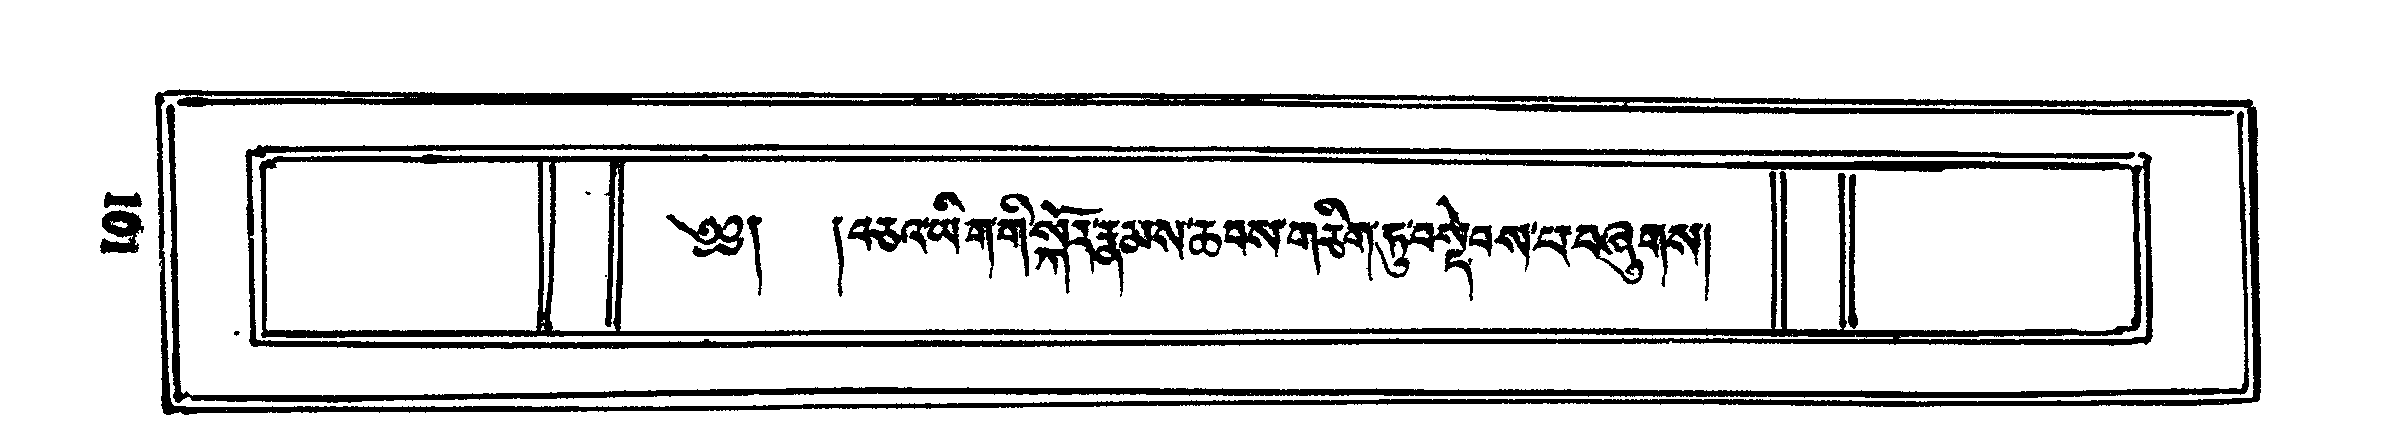༄༅། །བཅའ་ཡིག་གི་སྐོར་རྣམས་ཆབས་གཅིག་ཏུ་བསྡེབས་པ་བཞུགས་